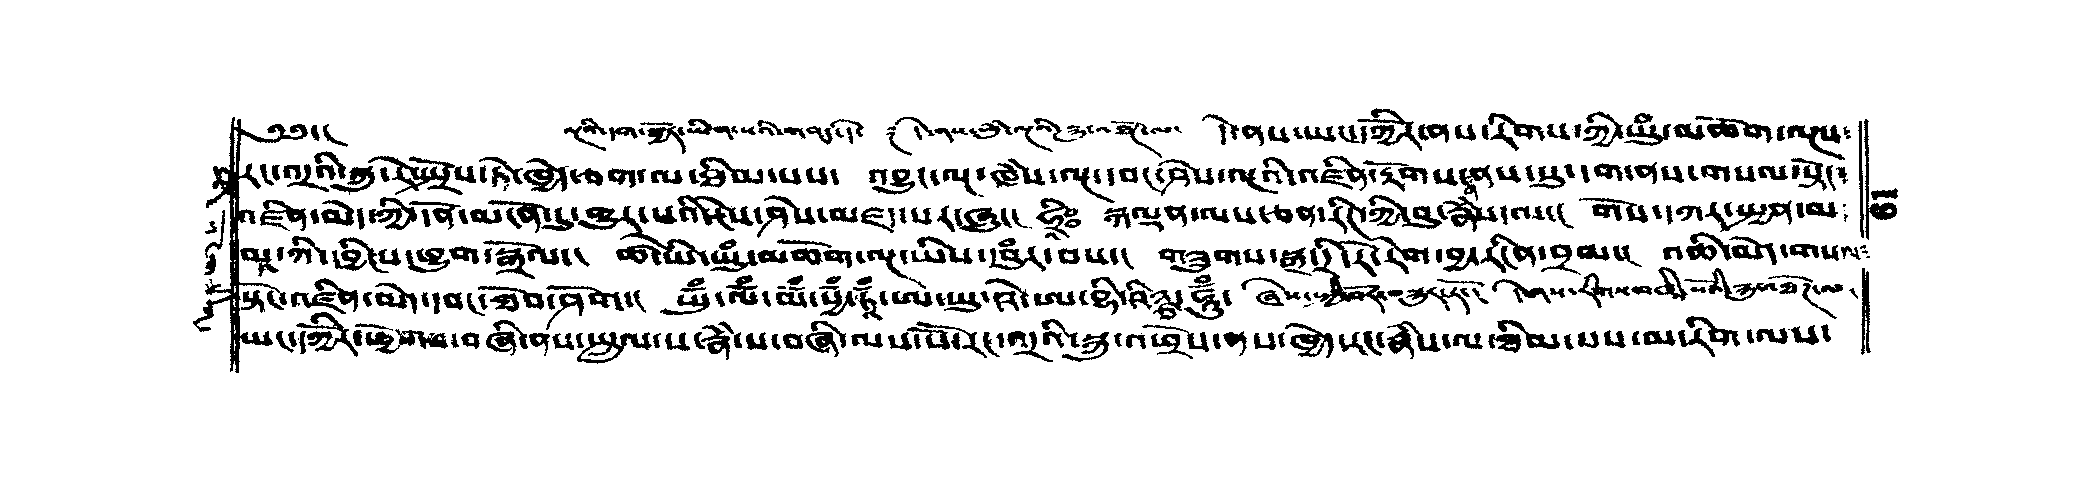ལྔའི་དག་སྦྱོར་ཡིན་པའི་གནང་དེ། ༈ དེ་ནས་ཡུམ་ལྔའི་སྐུ་འཐོགས་ལ། དེ་ནས་ཡང་དཀྱིལ་འཁོར་ནས་རིགས་ཀྱི་ཡུམ་མཆོག་ལྔས་
རང་འདྲའི་སྐུ་རེ་སྤྲོས་ཏེ་ཁྱེད་ཅག་ལ་ཐིམ་པས། འབྱུང་ལྔ་ཁམས་ལྔ་དབང་ཤེས་ལྔའི་འཇིན་རྟོགས་གནས་སུ་ག་ནས་གསལ་སྟོང་
འཛིན་མེད་ཀྱི་དོན་མངོན་དུ་གྱུར་པའི་ངེས་ཤེས་མཛད་པར་ཞུ། ཧྲཱིཿ སྐལ་ལྡན་ལས་ཅན་རིགས་ཀྱི་བུ་རྣམས་ལ། གོས་དཀར་སྤྱན་མ་
མཱ་ཀི་དབྱིངས་ཕྱུག་སྒྲོལ། ཚེ་ཡི་ཡུམ་མཆོག་ལྔ་ཡིས་དབང་བསྐུར་བས། གཟུགས་སྒྲ་དྲི་རོ་རེག་བྱ་རང་བཞིན་བྲམ། འཆི་མེད་གསལ་
སྟོང་འཛིན་མེད་དབང་ཐོབ་ཤོག ཡུྃ་ལྃ་མྃ་པྱྃ་ཧཱྃ་ཨ་ཡུ་རི་ཨ་བྷི་རིཉྩ་ཧཱུྃ། ཞེས་སྤྱི་བོར་བསྐུར་རོ། དེ་ནས་རིགས་བཞི་པོའི་སྐུ་འཐོགས་ལ། 
ཡང་དཀྱིལ་འཁོར་ཕྱོགས་བཞི་ནས་སྤྲུལ་པ་རྣམ་པ་བཞི་ལས་སོ་སོ་རང་འདྲའི་སྐུ་འཕྲོས་ནས་ཁྱེད་རང་རྣམས་ལ་ཐིམ་པས་མ་རིག་ལས་